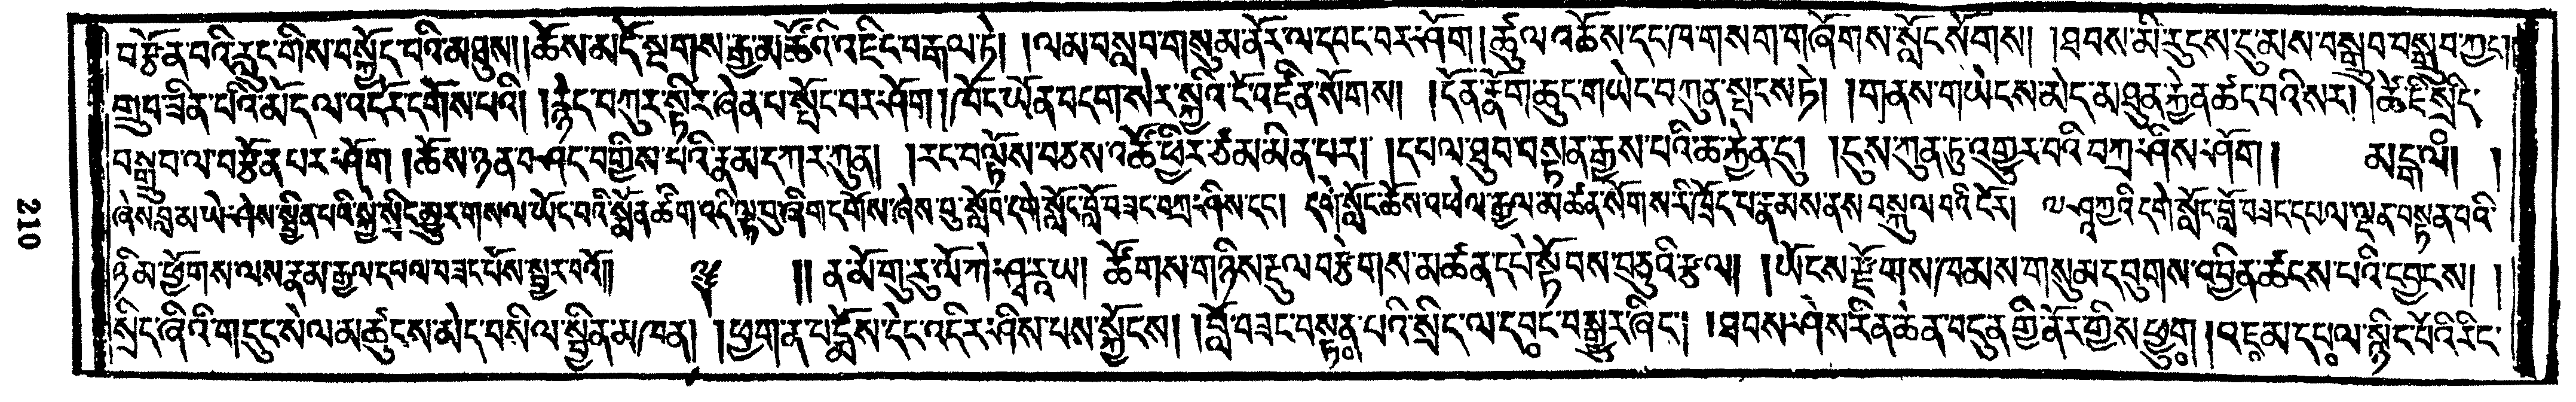བརྩོན་པའི་རླུང་གིས་བསྐྱོད་པའི་མཐུས། །ཆོས་མདོ་སྔགས་རྒྱ་མཚོའི་འཇིང་བརྒལ་ཏེ། །ལམ་བསླབ་གསུམ་ནོར་ལ་དབང་བར་ཤོག །ཚུལ་འཆོས་དང་ཁ་གསག་གཞོགས་སློང་སོགས། །ཐབས་མི་རུངས་དུ་མས་བསྒྲུབ་བསྒྲུབ་ཀྱང།།
གྲུབ་ཟིན་པའི་མོད་ལ་འདོར་དགོས་པའི། །རྙེད་བཀུར་སྟིར་ཞེན་པ་སྤོང་བར་ཤོག །ཁོང་ཡོན་བདག་སེར་སྐྱའི་ངོ་འཛིན་སོགས། །དོན་རྔོ་ཆུང་གཡེང་བ་ཀུན་སྤངས་ཏེ། །གནས་གཡེངས་མེད་མཐུན་རྐྱེན་ཚང་བའི་སར། །ཚེ་ཇི་སྲིད་
བསྒྲུབ་ལ་བརྩོན་པར་ཤོག །ཆོས་ཉན་བཤད་བགྱིས་པའི་རྣམ་དཀར་ཀུན། །རང་བལྟོས་བཅས་འཚོ་ཕྱིར་ཙམ་མིན་པར། །དཔལ་ཐུབ་བསྟན་རྒྱས་པའི་ཆ་རྐྱེན་དུ། །དུས་ཀུན་ཏུ་འགྱུར་བའི་བཀྲ་ཤིས་ཤོག། མངྒ་ལཾ། །
ཞེས་བླ་མ་ཡེ་ཤེས་སྦྱིན་པའི་སྐྱེ་སྲིད་མྱུར་གསལ་ཡོང་བའི་སྨོན་ཚིག་འདི་ལྟ་བུ་ཞིག་དགོས་ཞེས་བུ་སློབ་དགེ་སློང་བློ་བཟང་བཀྲ་ཤིས་དང་། དགེ་སློང་ཆོས་འཕེལ་རྒྱལ་མཚན་སོགས་རི་ཁྲོད་པ་རྣམས་ནས་བསྐུལ་བའི་ངོར། ༧་ཤཱཀྱའི་དགེ་སློང་བློ་བཟང་དཔལ་ལྡན་བསྟན་པའི་
ཉི་མ་ཕྱོགས་ལས་རྣམ་རྒྱལ་དཔལ་བཟང་པོས་སྦྱར་བའོ།། ༈ །།ན་མོ་གུ་རུ་ལོ་ཀེ་ཤྭ་རཱ་ཡ། ཚོགས་གཉིས་རྡུལ་བརྩེགས་མཚན་དཔེ་སྟོབས་བཅུའི་རྩལ། །ཡོངས་རྫོགས་ཁམས་གསུམ་དབུགས་འབྱིན་ཚངས་པའི་དབྱངས། །
སྲིད་ཞིའི་གདུང་སེལ་མཚུངས་མེད་བསིལ་སྦྱིན་མཁན། །ཕྱག་ན་པདམོས་དེང་འདིར་ཤིས་པས་སྐྱོངས། །བློ་བཟང་བསྟན་པའི་སྲིད་ལ་དབང་བསྒྱུར་ཞིང་། །ཐབས་ཤེས་རིན་ཆེན་བདུན་གྱི་ནོར་གྱིས་ཕྱུག །འཇམ་དཔལ་སྙིང་པོའི་རིང་